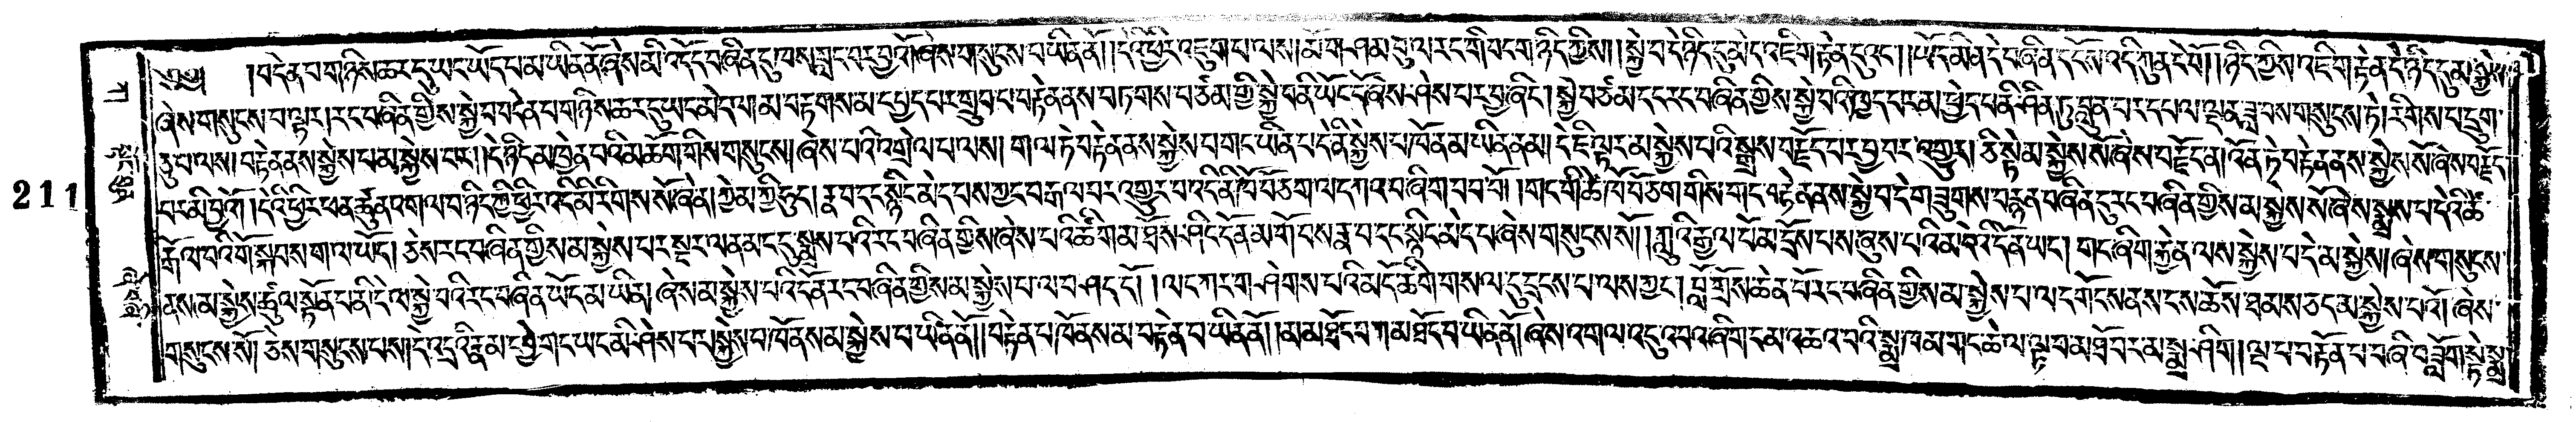༄༅། །བདེན་པ་གཉིས་ཆར་དུ་ཡང་ཡོད་པ་མ་ཡིན་ནོ་ཞེས་མི་འདོད་བཞིན་དུ་ཁས་བླང་བར་བྱའོ། ཞེས་གསུངས་པ་ཡིན་ནོ། །དེའི་ཕྱིར་འཇུག་པ་ལས། མོག་ཤམ་བུ་ལ་རང་གི་བདག་ཉིད་ཀྱིས། །སྐྱེ་བ་དེ་ཉིད་དུ་མེད་འཇིག་རྟེན་དུའང་། །ཡོད་མིན་དེ་བཞིན་དངོས་འདི་ཀུན་ངེ་བོ། །ཉིད་ཀྱིས་འཇིག་རྟེན་དེ་ཉིད་དུ་མ་སྐྱེས་
ཞེས་གསུངས་པ་ལྟར། རང་བཞིན་གྱིས་སྐྱེ་བ་བདེན་པ་གཉིས་ཆར་དུ་ཡང་མེད་ལ། མ་བརྟགས་མ་དཔྱད་པར་གྲུབ་པ་བརྟེན་ནས་བཏགས་པ་ཙམ་གྱི་སྐྱེ་བ་ནི་ཡོད་དོ་ཞེས་ཤེས་པར་བྱ་ཞིང་། སྐྱེ་བ་ཙམ་དང་རང་བཞིན་གྱིས་སྐྱེ་བའི་ཁྱད་པར་མ་ཕྱེད་པ་ནི་ཤིན་ཏུ་བླུན་པར་དཔལ་ལྡན་ཟླ་བས་གསུངས་ཏེ། རིགས་པ་དྲུག་
ཅུ་པ་ལས། བརྟེན་ནས་སྐྱེས་པ་མ་སྐྱེས་བར། །དེ་ཉིད་མཁྱེན་པའི་མཆོག་གིས་གསུངས། ཞེས་པའི་འགྲེལ་པ་ལས། གལ་ཏེ་བརྟེན་ནས་སྐྱེས་བ་གང་ཡིན་པ་དེ་ནི་སྐྱེས་པ་ཁོ་ན་མ་ཡིན་ནམ། དེ་ཇི་ལྟར་མ་སྐྱེས་པའི་སྒྲས་བརྗོད་པར་བྱ་བར་འགྱུར། ཅེ་སྟེ་མ་སྐྱེས་སོ་ཞེས་བརྗོད་ན། འོན་ཏེ་བརྟེན་ནས་སྐྱེས་སོ་ཞེས་བརྗོད་
བར་མི་བྱའོ། །དེའི་ཕྱིར་ཕན་ཚུན་འགལ་བ་ཉིད་ཀྱི་ཕྱིར་འདི་མི་རིགས་སོ་ཞེ་ན། ཀྱེ་མ་ཀྱི་ཧུད། རྣ་བ་དང་སྙིང་མེད་པས་ཀྱང་བརྒལ་བར་འགྱུར་བ་འདི་ནི་ཁོ་བོ་ཅག་ལ་དཀའ་བ་ཞིག་བབ་བོ། །གང་གི་ཚེ་ཁོ་བོ་ཅག་གིས་གང་བརྟེན་ནས་སྐྱེ་བ་དེ་གཟུགས་བརྙན་བཞིན་དུ་རང་བཞིན་གྱིས་མ་སྐྱེས་སོ་ཞེས་སྨྲས་པ་དེའི་ཚེ་
རྒོལ་བའི་གོ་སྐབས་ག་ལ་ཡོད། ཅེས་རང་བཞིན་གྱིས་མ་སྐྱེས་པར་སྔར་ལན་མང་དུ་སྨྲས་བའི་རང་བཞིན་གྱིས་ཞེས་པའི་ཚིག་མ་ཐོས་ཤིང་དོན་མ་གོ་བས་རྣ་བ་དང་སྙིང་མེད་པ་ཞེས་གསུངས་སོ། །ཀླུའི་རྒྱལ་པོ་མ་དྲོས་པས་ཞུས་པའི་མདེའི་དོན་ཡང་། གང་ཞིག་རྐྱེན་ལས་སྐྱེས་པ་དེ་མ་སྐྱེས། ཞེས་གསུངས་
ནས་མ་སྐྱེས་ཚུལ་སྟོན་པ་མི་དེ་ལ་སྐྱེ་བའི་རང་བཞིན་ཡོད་མ་ཡིན། ཞེས་མ་སྐྱེས་པའི་དོན་རང་བཞིན་གྱིས་མ་སྐྱེས་པ་ལ་བཤད་དོ། །ལང་ཀར་གཤེགས་པའི་མདོ་ཚིག་གསལ་དུ་དྲངས་པ་ལས་ཀྱང་། བློ་གྲོས་ཆེན་པོ་རང་བཞིན་གྱིས་མ་སྐྱེས་པ་ལ་དགོངས་ནས་ངས་ཆོས་ཐམས་ཅད་མ་སྐྱེས་པའོ། ཞེས་
གསུངས་སོ། ཅེས་གསུངས་པས། དེ་འདྲའི་རྣམ་དབྱེ་གང་ཡང་མི་ཤེས་པར། སྐྱེས་བ་ཁོ་ནས་མ་སྐྱེས་བ་ཡིན་ནོ། །བརྟེན་པ་ཁོ་ནས་མ་བརྟེན་པ་ཡིན་ནོ། །མ་མཐོང་བ་ཀ་མཐོང་བ་ཡིན་ནོ། ཞེས་འགལ་འདུ་འབའ་ཞིག་དམ་འཆའ་བའི་སྨྲ་ཁམ་གང་ཆེ་ལ་ལྟ་བ་མཐོ་བར་མ་སྨྲ་ཤིག། ལྔ་པ་བརྟོན་པ་བཞི་བཟློག་སྟེ་སྨྲ་